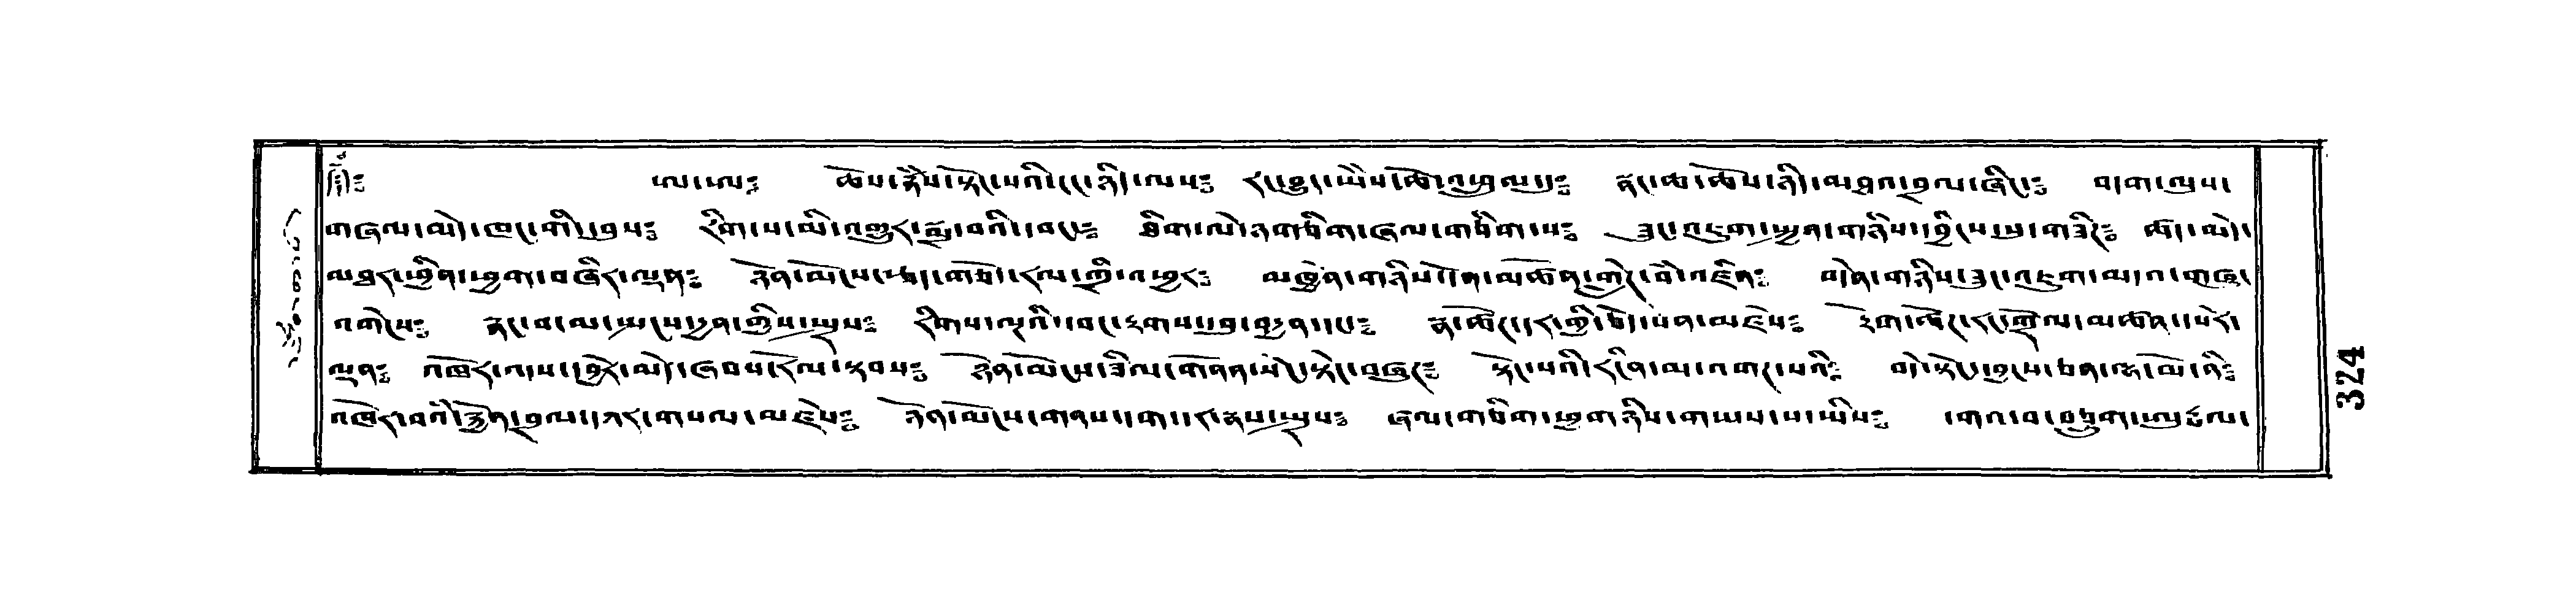ཨ་ཨཱཿ ཆོས་རྣམས་སྟོང་པའི་ངང་ཉིད་ལས༔ རང་བྱུང་ཡེ་ཤེས་ཆོ་འཕྲུལ་དུ༔ སྣང་ཆ་ཆོས་ཉིད་མཐའ་བྲལ་ཞིང༔ བདག་ལུས་
གཞལ་མེད་ཁང་གི་དབུས༔ རིག་པ་མི་འགྱུར་སྨྲ་བའི་དབང༔ ཐིག་ལེ་ཉག་གཅིག་ཞལ་གཅིག་པ༔ ཟུང་འཇུག་སྤྱན་གཉིས་དབྱིངས་སུ་གཟིགས༔ ཚད་མེད་
མཐར་ཕྱིན་ཕྱག་བཞིར་ལྡན༔ ཉོན་མོངས་རྩད་གཅོད་རལ་གྲི་འཕྱར༔ མཁྱེན་གཉིས་དོན་མཚོན་གླེགས་བམ་འཛིན༔ བདེན་གཉིས་ཟུང་འཇུག་མདའ་གཞུ་
འགེངས༔ སྣང་བ་མ་སྤངས་རྒྱན་གྱིས་སྤྲས༔ རིགས་ལྔའི་དབང་རྟགས་དབུ་བརྒྱན་དང༔ སྣ་ཚོགས་དར་གྱི་ཅོད་པན་མཛེས༔ རྟོག་ཚོགས་རང་གྲོལ་མཚན་དཔེར་
ལྡན༔ འཁོར་འདས་དབྱེར་མེད་ཞབས་རོལ་སྟབས༔ ཉོན་མོངས་ཟིལ་གནོན་སེང་སྟེང་བཞུགས༔ སྟོང་པའི་རང་བཞིན་མ་འགགས་པའི༔ བདེ་སྟོང་དབྱངས་ཅན་ལྷ་མོ་ནི༔ 
འཁོར་བའི་སྐྱོན་བྲལ་དཀར་གསལ་མཛེས༔ ཉོན་མོངས་གནས་དག་དར་སྣས་སྤྲས༔ ཞལ་གཅིག་ཕྱག་གཉིས་གཡས་པ་ཡིས༔ དགའ་བ་བཅུ་དྲུག་ཨུཏྤལ་